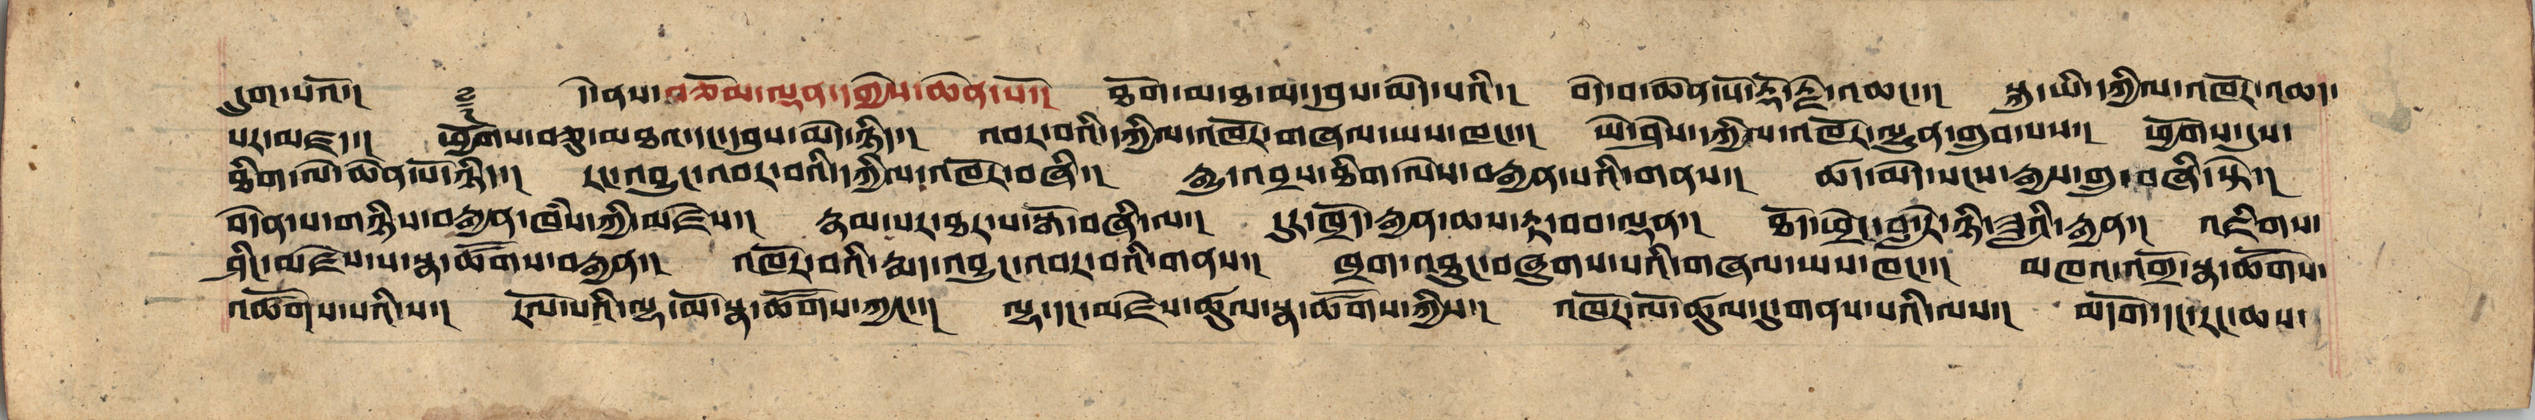དྲུག་པའོ་། ࿑ དེ་ནས་བཅོམ་ལྡན་དགྱེས་ཆེན་པོ་། ཐོག་མ་ཐ་མ་དབུས་མེད་པའི་། བདེ་བ་ཆེན་པོ་རྡོ་རྗེ་འཆང་་། སྐུ་ཡི་དཀྱིལ་འཁོར་འཆད་
པར་མཛད་། ཕྱོགས་བཅུ་མཐའ་དང་དབུས་མེད་ཉིད་། འབར་བའི་དཀྱིལ་འཁོར་གཞལ་ཡས་ཁང་་། ཡེ་ཤེས་དཀྱིལ་འཁོར་ལྷུན་གྲུབ་པས་། ཕྱོགས་དུས་
ཐིག་ལེ་ཆེན་པོ་ཉིད་། རང་འབྱུང་འབར་བའི་དཀྱིལ་འཁོར་བཞི་། རྒྱུ་འབྲས་ཐིག་ལེས་བརྒྱན་པའི་གནས་། ཚད་མེད་སངས་རྒྱས་གྲུ་བཞི་སྟེ་།
བདེན་པ་གཉིས་བརྒྱན་ཁཾས་ཀྱི་མཛེས་། རྣམ་པར་ཐར་པ་སྒོ་བཞི་ལ་། དུར་ཁྲོད་རྒྱན་ཆས་རྟ་བབ་ལྡན་། ཐོད་ཕྲེང་བླ་རེ་ཉི་ཟླའི་རྒྱན་། འཇིགས་
ཤིང་མཛེས་པ་སྣ་ཚོགས་བརྒྱན་། འཁོར་བའི་རྨད་འབྱུང་འབར་བའི་གནས་། ཁྲག་འཐུང་བཞུགས་པའི་གཞལ་ཡས་ཁང་་། མཁའ་འགྲོ་སྣ་ཚོགས་
འཚོགས་པའི་ས་། རོལ་པའི་ལྷ་མོ་སྣ་ཚོགས་ཀྱང་་། ལྷ་དང་མཛེས་ཚུལ་སྣ་ཚོགས་ཀྱིས་། འཁོར་ལོ་ཚུལ་དུ་གནས་པའི་ལས་། མདོག་དང་རང་ཆས་